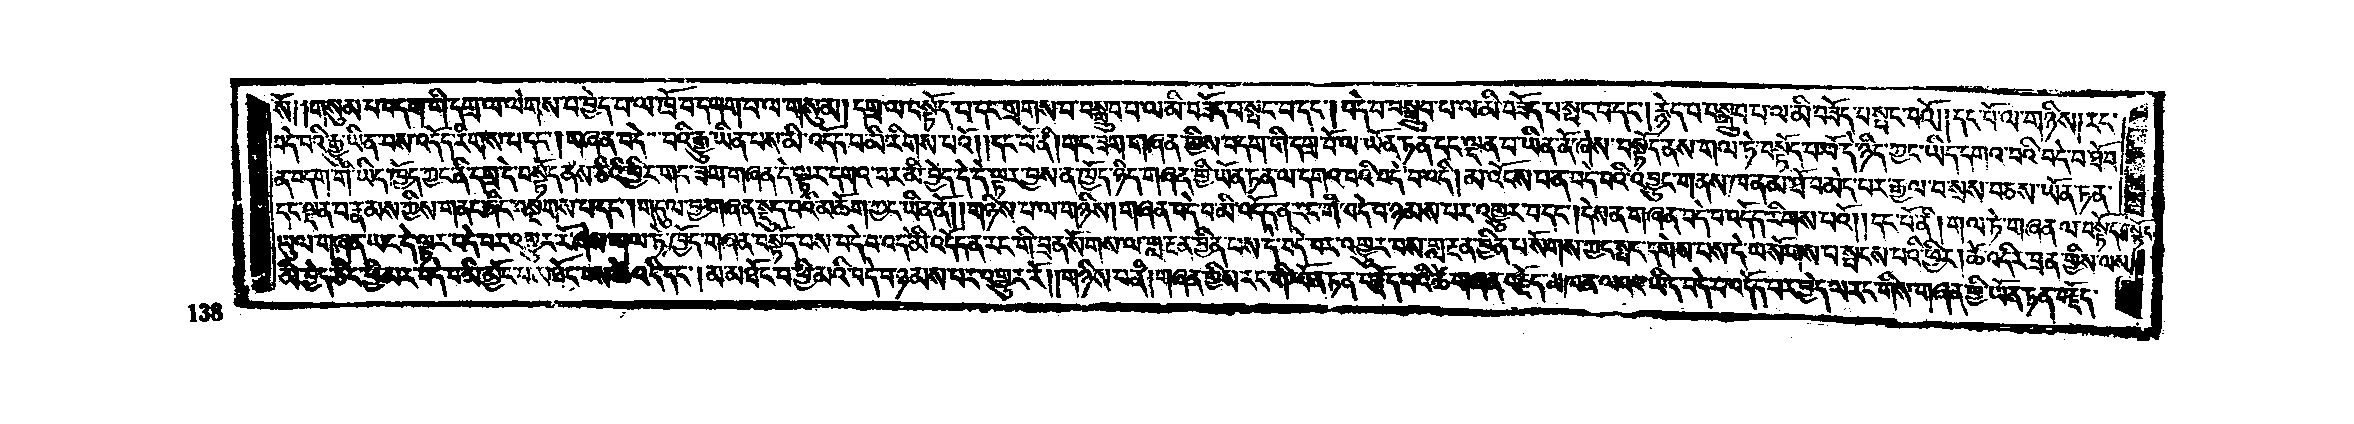སོ༑ ༑གསུམ་པ་བདག་གི་དགྲ་ལ་ལེགས་པ་བྱེད་པ་ལ་ཁྲོ་བ་དགག་པ་ལ་གསུམ། དགྲ་ལ་བསྟོད་པ་དང་གྲགས་པ་བསྒྲུབ་པ་ལ་མི་བཟོད་པ་སྤང་བ་དང་། བདེ་བ་བསྒྲུབ་པ་ལ་མི་བཟོད་པ་སྤང་བ་དང་། རྙེད་པ་བསྒྲུབ་ཨ་ལ་མི་བཟོད་པ་སྤང་བའོ། །དང་པོ་ལ་གཉིས། རང་
བདེ་བའི་རྒྱུ་ཡིན་པས་འདོད་རིགས་པ་དང་། གཞན་བདེ་བའི་རྒྱུ་ཡིན་པས་མི་འདོད་པ་མི་རིགས་པའོ། །དང་པོ་ནི། གང་ཟག་གཞན་གྱིས་བདག་གི་དགྲ་བོ་ལ་ཡོན་ཏན་དང་ལྡན་པ་ཡིན་ནོ་ཞེས་བསྟོད་ནས་གལ་ཏེ་བསྟོད་པ་པོ་དེ་ཉིད་ཀྱང་ཡིད་དགའ་བའི་བདེ་བ་ཐོབ་
ན་བདག་གི་ཡིད་ཁྱོད་ཀྱང་ནི་དགྲ་དེ་བསྟོད་ནས་ཅིའི་ཕྱིར་གང་ཟག་གཞན་དེ་ལྟར་དགའ་བར་མི་བྱེད་དེ་དེ་ལྟར་བྱས་ན་ཁྱོད་ཉིད་གཞན་གྱི་ཡོན་ཏན་ལ་དགའ་བའི་བདེ་བ་འདི། མ་འོངས་པ་ན་བདེ་བའི་འབྱུང་གནས་ཁ་ན་མ་ཐོ་བ་མེད་པར་རྒྱལ་བ་སྲས་བཅས་ཡོན་ཏན་
དང་ལྡན་པ་རྣམས་ཀྱིས་གནང་ཞིང་བསྔགས་པ་དང་། གདུལ་བྱ་གཞན་སྡུད་པའི་མཆོག་ཀྱང་ཡིན་ནོ། །གཉིས་པ་ལ་གཉིས། གཞན་བདེ་བ་མི་འདོད་ན་རང་གི་བདེ་བ་ཉམས་པར་འགྱུར་བ་དང་། དེས་ན་གཞན་བདེ་བ་འདོད་རིགས་པའོ། །དང་པོ་ནི། གལ་ཏེ་གཞན་ལ་བསྟོད་པ་སྟོང?
ཡུལ་གཞན་ཡང་དེ་ལྟར་བདེ་བར་འགྱུར་རོ་ཞེས་གལ་ཏེ་ཁྱོད་གཞན་བསྟོད་པས་བདེ་བ་འདི་མི་འདོད་ན་རང་གི་བྲན་སོགས་ལ་གླ་རྔན་བྱིན་པས་དེ་བདེ་བར་འགྱུར་བས་གླ་རྔན་བྱིན་པ་སོགས་ཀྱང་སྤང་དགོས་པས་དེ་ལ་སོགས་པ་སྤངས་པའི་ཕྱིར། ཚེ་འདིར་བྲན་གྱིས་ལས་
མི་བྱེད་ཅིང་ཕྱི་མར་བདེ་བ་མི་མྱོང་བ་མཐོང་བས་ཚེ་འདི་དང་། མ་མཐོང་བ་ཕྱི་མའི་བདེ་བ་ཉམས་པར་འགྱུར་རོ། །གཉིས་པ་ནི། གཞན་གྱིས་རང་གི་ཡོན་ཏན་བརྗོད་པའི་ཚེ་གཞན་བརྗོད་མཁན་ལའང་ཡིད་བདེ་བ་འདོད་པར་བྱེད་ལ་རང་གིས་གཞན་གྱི་ཡོན་བརྗོད་